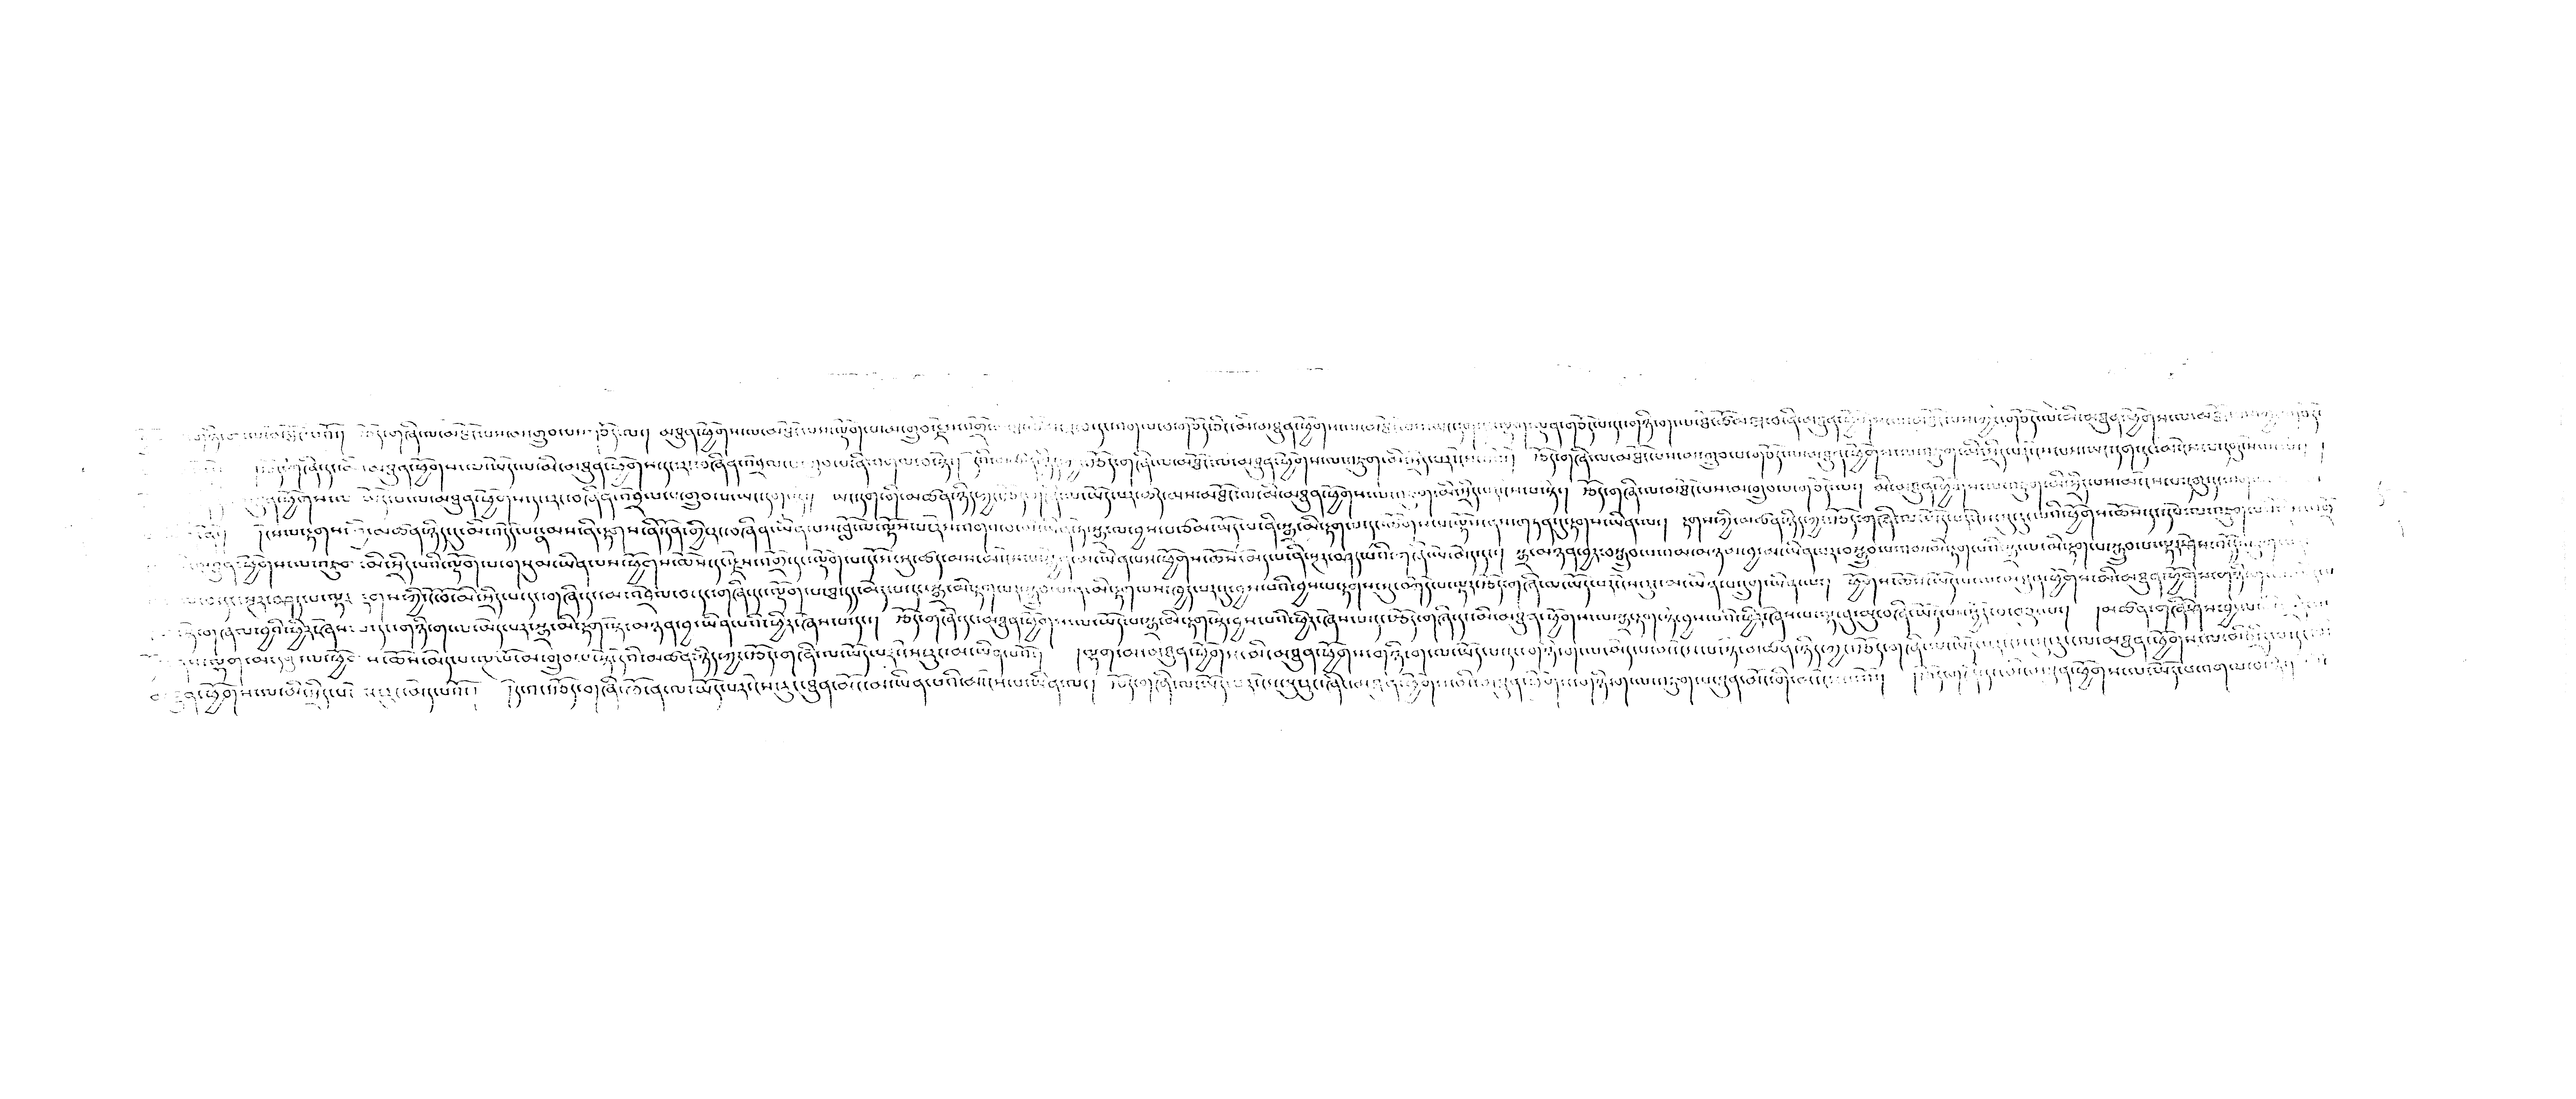??་གཉི་ག་ལ་མཐོང་པའོ། རྩོད་གཞི་ལ་མཐོང་པས་མ་གྲུབ་པ་གཅོད་ལ། མཐུན་ཕྱོགས་ལ་མཐོང་པས་ལྡོག་པ་མ་གྲུབ་རྗེས་འགྲོ་?དང་འགལ་བ་གཅོད་ཅིང་མི་མཐུན་ཕྱོགས་ལ་མཐོང་པས་ཡང་དག་པ་ལྷག་ལྡན་གཅོད་པ་དང་གཉི་ག་ལ་ཐེ་ཚོམ་ཟ་བ་ནི་མཐུན་ཕྱོགས་ལ་མཐོང་པས་ཀྱང་གཅོད་ལ་མི་མཐུན་ཕྱོགས་ལ་མཐོང་པས་ཀྱང་གཅོད་
??། །རྩོད་གཞི་དང་མི་མཐུན་ཕྱོགས་ལ་ཡོད་པ་མི་མཐུན་ཕྱོགས་དང་རང་བཞིན་འབྲེལ་པ་གྲུབ་པ་ནི་འགལ་བ་སྟེ། དེའི་མཚན་ཉིད་ཀྱང་རྩོད་གཞི་ལ་མཐོང་ལ་མཐུན་ཕྱོགས་ལ་འཇུག་མི་སྲིད་པར་ངེས་པའོ། རྩོད་གཞི་ལ་མཐོང་པས་མ་གྲུབ་པ་གཅོད་ལ་མཐུན་ཕྱོགས་ལ་འཇུག་མི་སྲིད་པར་ངེས་པས་ཡང་དག་དང་མ་ངེས་པ་དགུ་སེལ?་ལ?།
??་མཐུན་ཕྱོགས་ལ་ཡོད་པ་ལ་མཐུན་ཕྱོགས་དང་རང་བཞིན་འབྲེལ་པ་གྲུབ་པ་ཡང་དག་པར། ཡང་དག་གི་མཚན་ཉིད་ཀྱང་རྩོད་གཞི་ལ་ཡོད་པར་ཚད་མས་མཐོང་ལ་མི་མཐུན་ཕྱོགས་ལ་འཇུག་མི་སྲིད་པར་ངེས་པ་སྟེ། རྩོད་གཞི་ལ་མཐོང་པས་མ་གྲུབ་པ་གཅོད་ལ། མི་མཐུན་ཕྱོགས་ལ་འཇུག་མི་སྲིད་པས་མ་ངེས་པ་དགུ་དང་འགལ་?
??ནོ། །ངེས་པ་རྟགས་ཀྱི་མཚན་ཉིད་དུ་མི་འདོད་པ་རྣམས་ནི་རྟགས་ནི་དོན་གྱི་རང་བཞིན་ཡིན་པས་བློ་ལ་ལྟོས་པ་རེས་འགལ་བ་མ་ཡིན་ཏེ་སྒྲ་ལ་བྱས་པ་ཙམ་ཡོད་པ་ནི་སྒྲ་མི་རྟག་པ་དང་ཚོགས་པ་ལྟོས་ནས་གཏན་དུ་རྟགས་ཡིན་ལ། རྟགས་ཀྱི་མཚན་ཉིད་ཀྱང་རྩོད་གཞི་ལ་ཡོད་པར་ངེས་སུ་རུང་པའི་ཕྱོགས་ཆོས་དང་དཔེ་ལ་འཇུག་པའི་?་འགྲོ་
??་མཐུན་ཕྱོགས་ལ་འཇུག་མི་སྲིད་པའི་ལྡོག་པ་གསུམ་ཡིན་པས་ཕྱོགས་ཆོས་དང་རྗེས་འགྲོ་དང་ལྡོག་པ་དངོས་སུ་ཚད་མས་མ་ངེས་པ་རྐྱེན་མ་ཡིན་པས་ཕྱོགས་ཆོས་མེད་པ་ནི་སྔར་བཤད་པའི་གཞི་མེ་མེད་དང་། སྒྲ་མཉན་བྱར་བསྒྲུབ་པ་འམ་མཉམ་བྱ་མ་ཡིན་པར་བསྒྲུབ་པའ?་མི་རྟག་པའི་སྒྲ་ལ་མི་རྟག་པ་སྒྲུབ་པ་ལྟར་ཤེས་འདོད་འཇུག་པར?
??་བ་དང་སྔར་བཤད་པ་ལྟར་རྟགས་ཀྱི་ངོ་བོ་མི་སྲིད་པ་དང་གཞི་དང་མ་འབྲེལ་བ་དང་གཞི་དང་ལྡོག་པ་ཐ་དད་མེད་པ་དང་སྒྲ་མི་རྟག་པར་སྒྲུབ་པ་ན་མི་རྟག་པས་ཁྱད་པར་དུ་བྱས་པའི་བྱས་པ་རྟགས་སུ་བཀོད་པ་ལྟར་རྩོད་གཞི་ལ་ཡོད་པར་ངེས་རུང་མ་ཡིན་པ་དྲུག་ཡིན་ལ། ཕྱོགས་ཆོས་ཡོད་པ་མ་མཐུན་ཕྱོགས་མི་མཐུན་ཕྱོགས་གཉི་གས?་?
??་གཞལ་བྱའི་ཕྱིར་ཞེས་པ་དང་གཉི་ག་ལ་མེད་པར་སྒྲ་མི་རྟག་སྟེ་མཉན་བྱ་ཡིན་པའི་ཕྱིར་ཞེས་པ་དང་། རྩོད་གཞི་དང་མཐུན་ཕྱོགས་ལ་ཡོད་པ་སྒྲ་མི་རྟག་སྟེ་བྱས་པའི་ཕྱིར་ཞེས་པ་དང་རྩོད་གཞི་དང་མི་མཐུན་ཕྱོགས་པ་སྒྲ་རྟག་སྟེ་བྱས་པའི་ཕྱིར་ཞེས་པ་ལྟ་བུ་མུ་བཞི་ཡོད་པས་སྦྱོར་བ་བཅུ་ལ། །མཚན་གཞི་ཤེས་བྱ་ལ?་?
?་ནས་ལྷག་མ་དགུ་ལ་ཕྱོགས་ཆོས་མེད་པ་ལྔ་པོ་མ་གྲུབ་པ་སྟེ་དེའི་མཚན་ཉིད་ཀྱང་རྩོད་གཞི་ལ་ཡོད་པར་ངེས་རུང་མ་ཡིན་པའོ། །ལྷག་མ་མཐུན་ཕྱོགས་མི་མཐུན་ཕྱོགས་གཉི་ག་ལ་ཡོད་པ་དང་གཉི་ག་ལ་མེད་པ་མ་ངེས་པ་སྟེ་མཚན་ཉིད་ཀྱང་རྩོད་གཞི་ལ་ཡོད་པར་ངེས?་སུ་རུང་ལ་མཐུན་ཕྱོགས་ལ་མི་སྲིད་པ་དང?
མཐུན་ཕྱོགས་ལ་མི་སྲིད་པ་ངེས་རུང་མེད་པའོ། །དེ་འང་རྩོད་གཞི་ཁོ་ན་ལ་ཡོད་པར་ངེས་རུང་ཐུན་མོང་མ་ཡིན་པའི་མ་ངེས་པ་ཡིན་ལ། རྩོད་གཞི་ལ་ཡོད་པར་ངེས་སུ་རུང་ཞིང་མཐུན་ཕྱོགས་མི་མཐུན་ཕྱོགས་གཉི་ག་ལ་འཇུག་པ་ཐུན་མོང་གི་མ་ངེས་པའོ། །རྩོད་གཞི་དང་མི་མཐུན་ཕྱོགས་ལ་ཡོད་པ་འགལ་བ་སྟེ། ?